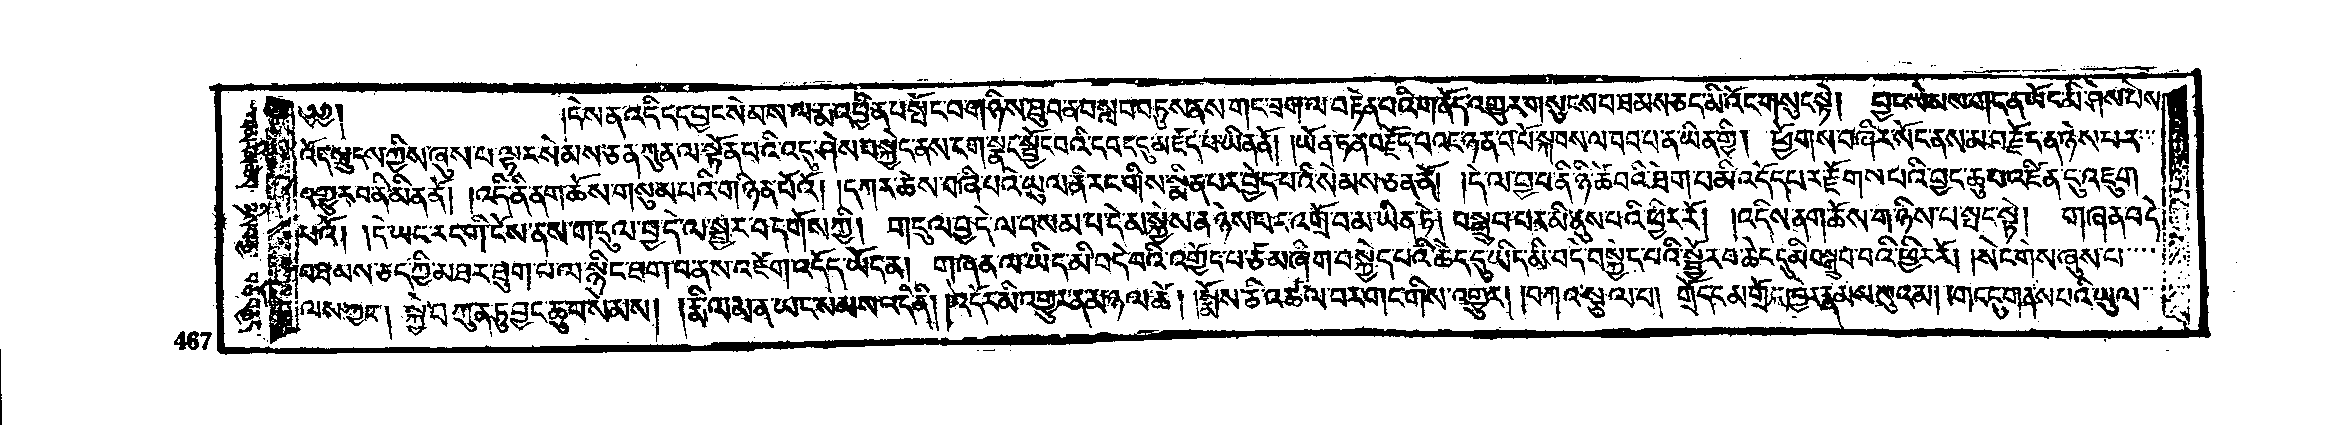༄༅། །དེས་ན་འདི་དང་བྱང་སེམས་ལ་རྨ་འབྱིན་པ་སྤོང་བ་གཉིས་ཐུབ་ན་བསླབ་བཏུས་ནས་གང་ཟག་ལ་བརྟེན་པའི་གནོད་འགྱུར་གསུངས་པ་ཐམས་ཅད་མི་འོང་གསུང་སྟེ། བྱང་སེམས་གང་ན་ཡོད་མི་ཤེས་པས་
འོད་སྲུངས་ཀྱིས་ཞུས་པ་ལྟར་སེམས་ཅན་ཀུན་ལ་སྟོན་པའི་འདུ་ཤེས་བསྐྱེད་ནས་དག་སྣང་སྦྱོང་བའི་དབང་དུ་མཛད་པ་ཡིན་ནོ། །ཡོན་ཏན་བརྗོད་པའང་ཉན་པ་པོ་སྐབས་ལ་བབ་པ་ན་ཡིན་གྱི། ཕྱོགས་བཞིར་སོང་ནས་མ་བརྗོད་ན་ཉེས་པར་
འགྱུར་བ་ནི་མིན་ནོ། །འདི་ནི་ནག་ཆོས་གསུམ་པའི་གཉེན་པོའོ། །དཀར་ཆོས་བཞི་པའི་ཡུལ་ནི་རང་གིས་སྨིན་པར་བྱེད་པའི་སེམས་ཅན་ནོ། །དེ་ལ་བྱ་བ་ནི་ཉི་ཚེ་བའི་ཐེག་པ་མི་འདོད་པར་རྫོགས་པའི་བྱང་ཆུབ་འཛིན་དུ་འཇུག་
པའོ༑ ༑དེ་ཡང་རང་གི་ངོས་ནས་གདུལ་བྱ་དེ་ལ་སྦྱར་བ་དགོས་ཀྱི། གདུལ་བྱ་དེ་ལ་བསམ་པ་དེ་མ་སྐྱེས་ན་ཉེས་པར་འགྲོ་བ་མ་ཡིན་ཏེ། བསྒྲུབ་པར་མི་ནུས་པའི་ཕྱིར་རོ། །འདིས་ནག་ཆོས་གཉིས་པ་སྤོང་སྟེ། གཞན་བདེ་
བ་ཐམས་ཅད་ཀྱི་མཐར་ཐུག་པ་ལ་སྙིང་ཐག་པ་ནས་འཇོག་འདོད་ཡོད་ན། གཞན་ལ་ཡིད་མི་བདེ་བའི་འགྱོད་པ་ཙམ་ཞིག་བསྐྱེད་པའི་ཆེད་དུ་ཡིད་མི་བདེ་བསྐྱེད་པའི་སྦྱོར་བ་ཆེད་དུ་མི་བསྒྲུབ་པའི་ཕྱིར་རོ། །སེང་གེས་ཞུས་པ་
ལས་ཀྱང་། སྐྱེ་བ་ཀུན་ཏུ་བྱང་ཆུབ་སེམས། །རྨི་ལམ་ན་ཡང་སེམས་འདི་ནི། །འདོར་མི་འགྱུར་ནམ་ཉལ་ཚེ། །སྨོས་ཅི་འཚལ་བར་གང་གིས་འགྱུར། །བཀའ་སྩལ་པ། གྲོང་ངམ་གྲོང་ཁྱེར་རྣམས་སུ་འམ། །གང་དུ་གནས་པའི་ཡུལ་